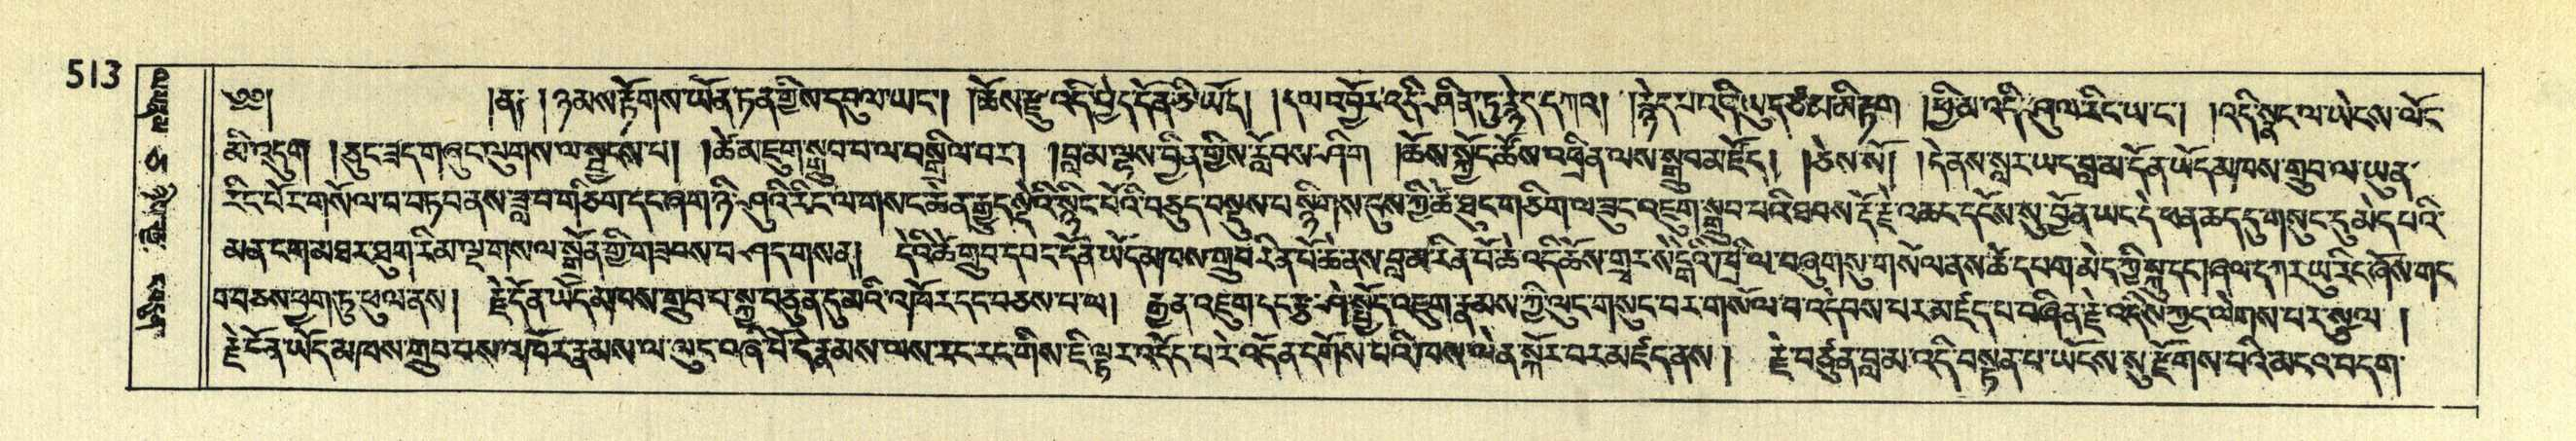༄༅། །ན༑ ༑ཉམས་རྟོགས་ཡོན་ཏན་གྱིས་དབུལ་ཡང་། །ཆོས་རྫུ་འདི་བྱེད་དོན་ཅི་ཡོད། །དལ་འབྱོར་འདི་ཤིན་ཏུ་རྙེད་དཀའ། །རྙེད་པ་འདི་ཡུད་ཙམ་མི་རྟག །ཕྱི་མ་འདི་ཤུལ་རིང་ཡང་། །འདི་སྣང་ལ་ཡེངས་ལོང་
མི་འདུག །ཅུང་ཟད་གཞུང་ལུགས་ལ་སྦྱངས་པ། །ཚེ་མཇུག་སྒྲུབ་བ་ལ་བསྒྲིལ་བར། །བླ་མ་ལྷས་བྱིན་གྱིས་རློབས་ཤིག །ཆོས་སྐྱོང་ཚོས་འཕྲིན་ལས་སྒྲུབ་མཛོད། །ཅེས་སོ། །དེ་ནས་སླར་ཡང་བླ་མ་དོན་ཡོད་མཁས་གྲུབ་ལ་ཡུན་
རིང་པོར་གསོལ་བ་བཏབ་ནས་ཟླ་བ་གཅིག་དང་ཞག་ཉི་ཤུའི་རིང་ལ་གསང་ཆེན་རྒྱུད་སྡེའི་སྙིང་པོའི་བཅུད་བསྡུས་པ་སྙིགས་དུས་ཀྱི་ཚེ་ཐུང་གཅིག་ལ་ཟུང་འཇུག་སྒྲུབ་པའི་ཐབས་རྡོ་རྗེ་འཆང་དངོས་སུ་བྱོན་ཡང་དེ་ཕན་ཆད་དུ་གསུང་དུ་མེད་པའི་
མན་ངག་མཐར་ཐུག་རིམ་ལྔ་གསལ་སྒྲོན་གྱི་གཟབས་བཤད་གསན། དེའི་ཚེ་གྲུབ་དབང་དོན་ཡོད་མཁས་གྲུབ་རིན་པོ་ཆེ་ནས་བླ་མ་རིན་པོ་ཆེ་འདི་ཆོས་གྲྭར་སེངྒེའི་ཁྲི་ལ་བཞུགས་སུ་གསོལ་ནས་ཚེ་དཔག་མེད་ཀྱི་སྐུ་དང་། ཞལ་དཀར་ཡུ་རིང་ཞོས་གང་
བ་བཅས་ཕྱག་ཏུ་ཕུལ་ནས། རྗེ་དོན་ཡོད་མཁས་གྲུབ་པ་སྐྱ་བཅུན་དུ་མའི་འཁོར་དང་བཅས་པ་ལ། རྒྱན་འཇུག་དང་རྩ་ཤེ་སྤྱོད་འཇུག་རྣམས་ཀྱི་ལུང་གསུང་བར་གསོལ་བ་འདེབས་པར་མཛད་པ་བཞིན་རྗེ་འདིས་ཀྱང་ལེགས་པར་སྩལ།
རྗེ་དོན་ཡོད་མཁས་གྲུབ་པས་འཁོར་རྣམས་ལ་ལུང་བཞི་པོ་དེ་རྣམས་ལས་རང་རང་གིས་ཇི་ལྟར་འདོད་པ་རེ་འདོན་དགོས་པའི་ཁས་ལེན་སྐོར་བར་མཛད་ནས། རྗེ་བཙུན་བླ་མ་འདི་བསྟན་པ་ཡོངས་སུ་རྫོགས་པའི་མངའ་བདག་